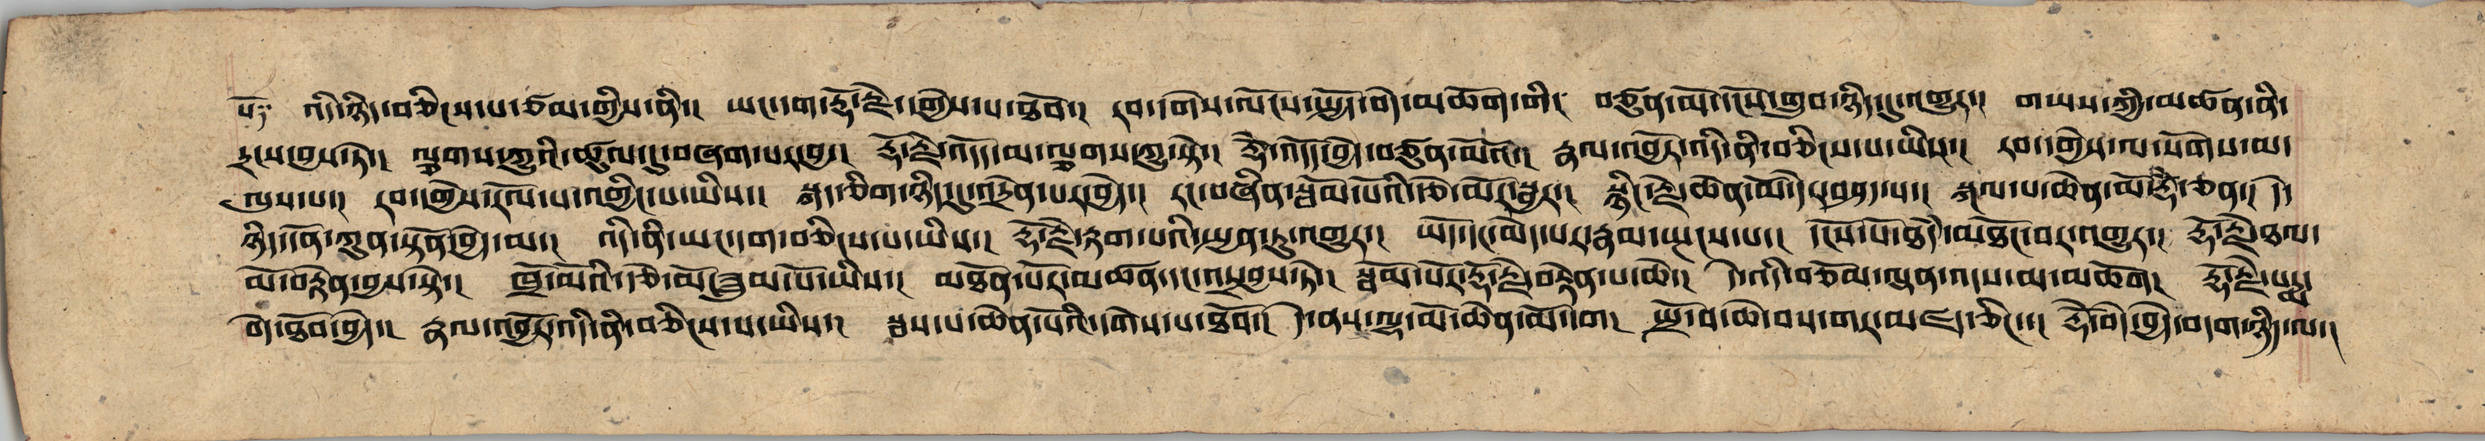སོ༑ འདི་ཉིད་བཅིངས་པ་ཙམ་གྱིས་ནི་། ཡང་དག་རྡོ་རྗེ་དགྱེས་པ་ཐོབ་། རབ་དགེས་ལོངས་སྤྱོད་བདེ་མཆོག་གི། བཙུན་མོ་དངོས་གྲུབ་ཉིད་དུ་འགྱུར་། གཡས་ཀྱི་མཚན་ནི་
དྲངས་བྱས་ཏེ་། ལྕགས་ཀྱུའི་ཚུལ་དུ་བཞག་པར་བྱ་། རྡོ་རྗེ་འདོད་ལ་ལྕགས་ཀྱུ་སྟེ་། རྡོེ་འདོད་བྱེད་བཙུན་མོའོ་། རྣལ་འབྱོར་འདི་ནི་བཅིངས་པ་ཡིས་། རབ་དགྱེས་ལ་སོགས་མ་
ལུས་པ་། རབ་དགྱེས་རོལ་པ་འགྱིང་པ་ཡིས་། སྐད་ཅིག་ཉིད་དུ་འདྲེན་པར་བྱེད་། རང་བཞིན་སྦོམ་པོའི་རྩེ་མོར་སྦྱར་། སྙིང་རྗེ་ཆེན་མོ་དེར་བཤད་པ་། སྐལ་པ་ཆེན་མོ་རྡོེ་ཅན་། དེ་
ཉིད་དོན་ཀུན་སྟོན་བྱེད་མ་། འདི་ནི་ཡང་དག་བཅིངས་པ་ཡིས་། རྡོ་རྗེ་རྟག་པའི་སྤྱན་ཏུ་འགྱུར་། ཡོད་དང་མེད་པར་རྣམ་སྤངས་པ་། དངོས་པོ་ཐདཾ་མཐོང་བར་འགྱུར་། རྡོ་རྗེ་ཐལ་
མོ་བརྟེན་བྱས་སྟེ་། ཁྲོ་མོའི་རྩེ་མོ་ཟླུམ་པོ་ཡིས་། མཐོན་པོར་མཚན་དང་འདྲ་བྱས་ཏེ་། སྦོམ་པོར་རྡོ་རྗེ་བརྟེན་པ་ཆེ་། དེ་འདི་བཅོམ་ལྡན་འདས་མ་མཆོག། རྡོ་རྗེ་པདྨ་
བདེ་ཐོབ་བྱེད་། རྣལ་འབྱོར་འདི་ནི་བཅིངས་པ་ཡིས་། སྦས་པ་ཆེན་པོའི་དགེས་པ་ཐོབ་། དེ་ནས་ལྷ་མོ་ཆེན་མོ་དག། སྤྲོ་བ་ཆེ་བས་གར་མཛད་ཅིང་་། རྡོེ་བདེ་བྱེད་བདག་ཉིད་ལ་།